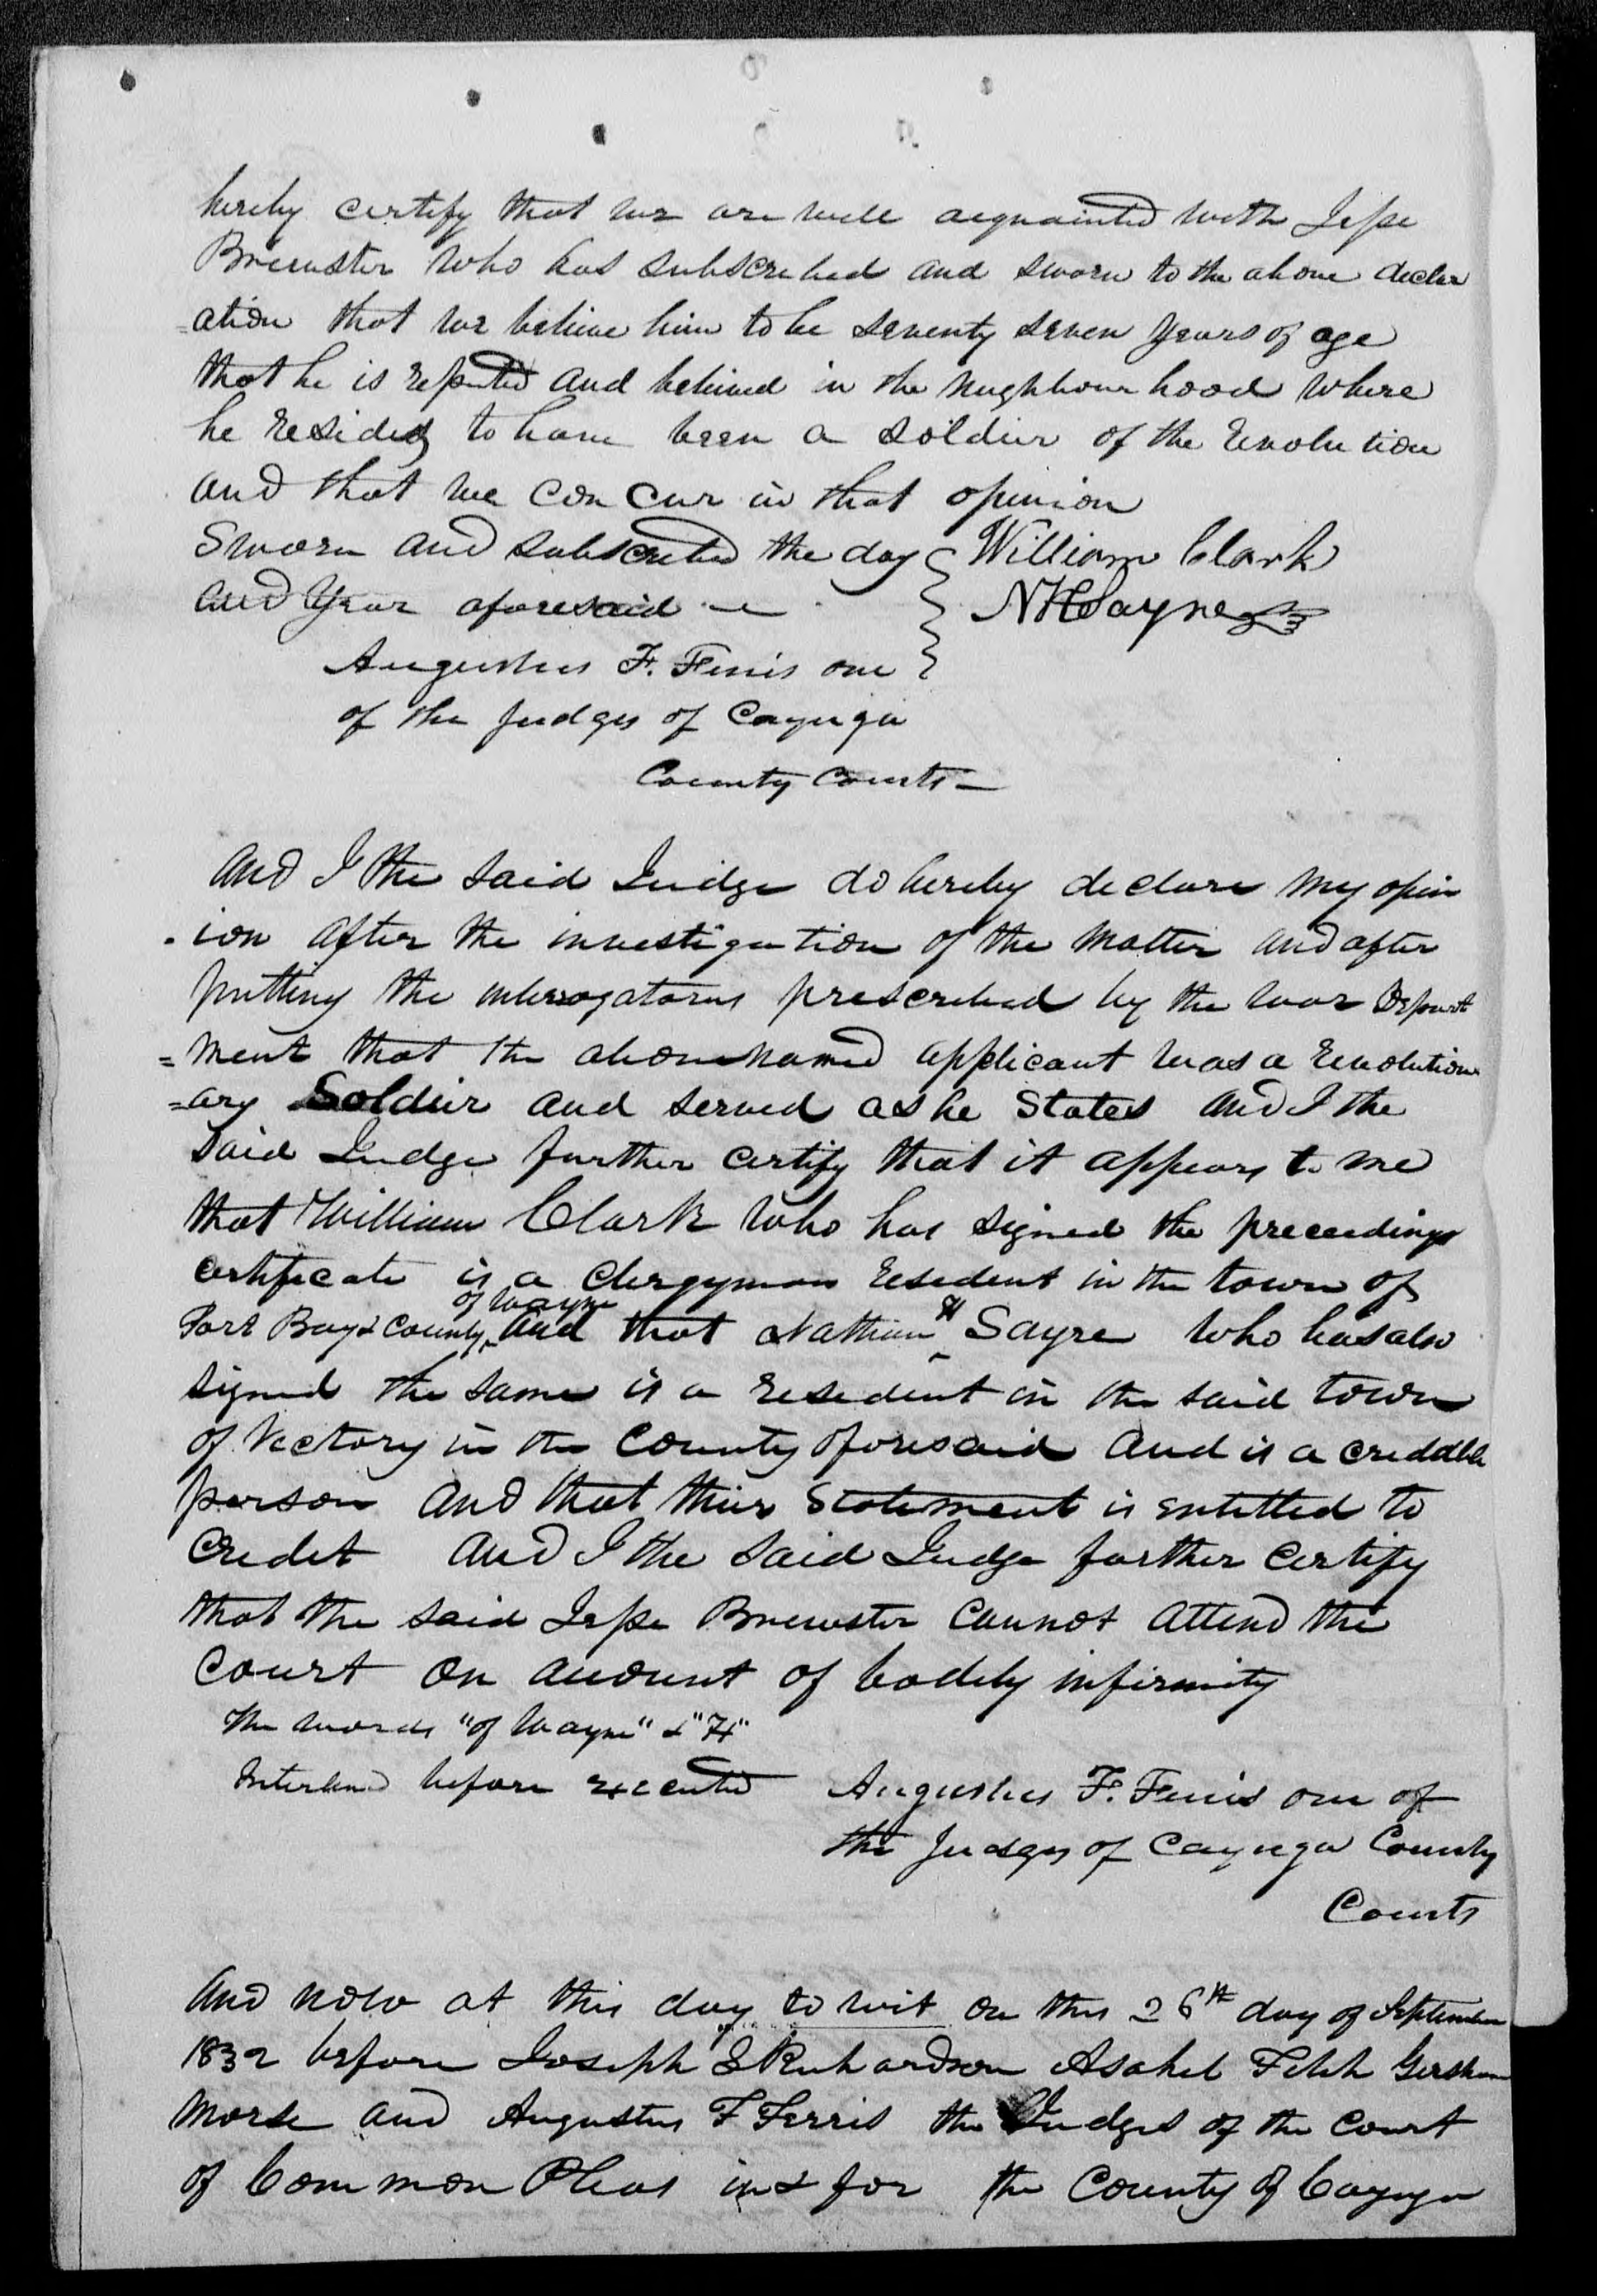hereby certify that Jus are well acquainted with Jesse Brewster who has subscribed and sworn to the above declaration that we believe him to be seventy  seven years of age that he is reputed and believed in the neighborhood where he resides to have been a soldier of the Revolution and that we concur in that opinion
William Clark N Haynes
sworn and subscribed the day and year aforesaid Augustus F. Ferris one of the Judges of Cayuga county courts
And I the said Judge do hereby declare my opinion after the investigation of the matter and after putting the interrogations prescribed by the war department that the above named applicant was a revolutionary soldier and served as he states and I the said Judge further certify that it appears to me that William Clark who has signed the preceeding certificate is a clergyman resident in the town of Fort Bay + county of Wayne and that Nathan Sayre who has also signed the same is a resident in the said town of Victory in the county aforesaid and is a credable person and that their statement is entitled to credit  And I the said Judge further certify that the said Jesse Brewster cannot attend the court on account of bodily informity 
the words " of Wayne" + "H" interlined before executed
Augustus F. Ferris one of the Judges of Cayuga county courts
and now at this day to wit on this 26th day of September 1832 before Joseph S Richardson Asahel Fitch Gersham Morse and Augustus F. Ferris the Judges of the court of Common Pleas in + for the county of Cayuga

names: William Clark, Augustus F Ferris, William Clark, Asahel Fitch, Gersham Morse, N H Sayre, Augustus F Ferris, Augustus F Ferris, Nathan H Sayre, Joseph S Richardson, Jesse Brewster, Jesse Brewster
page: 24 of 26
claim: survivor's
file: S. 12,291, Jesse Brewster, New York